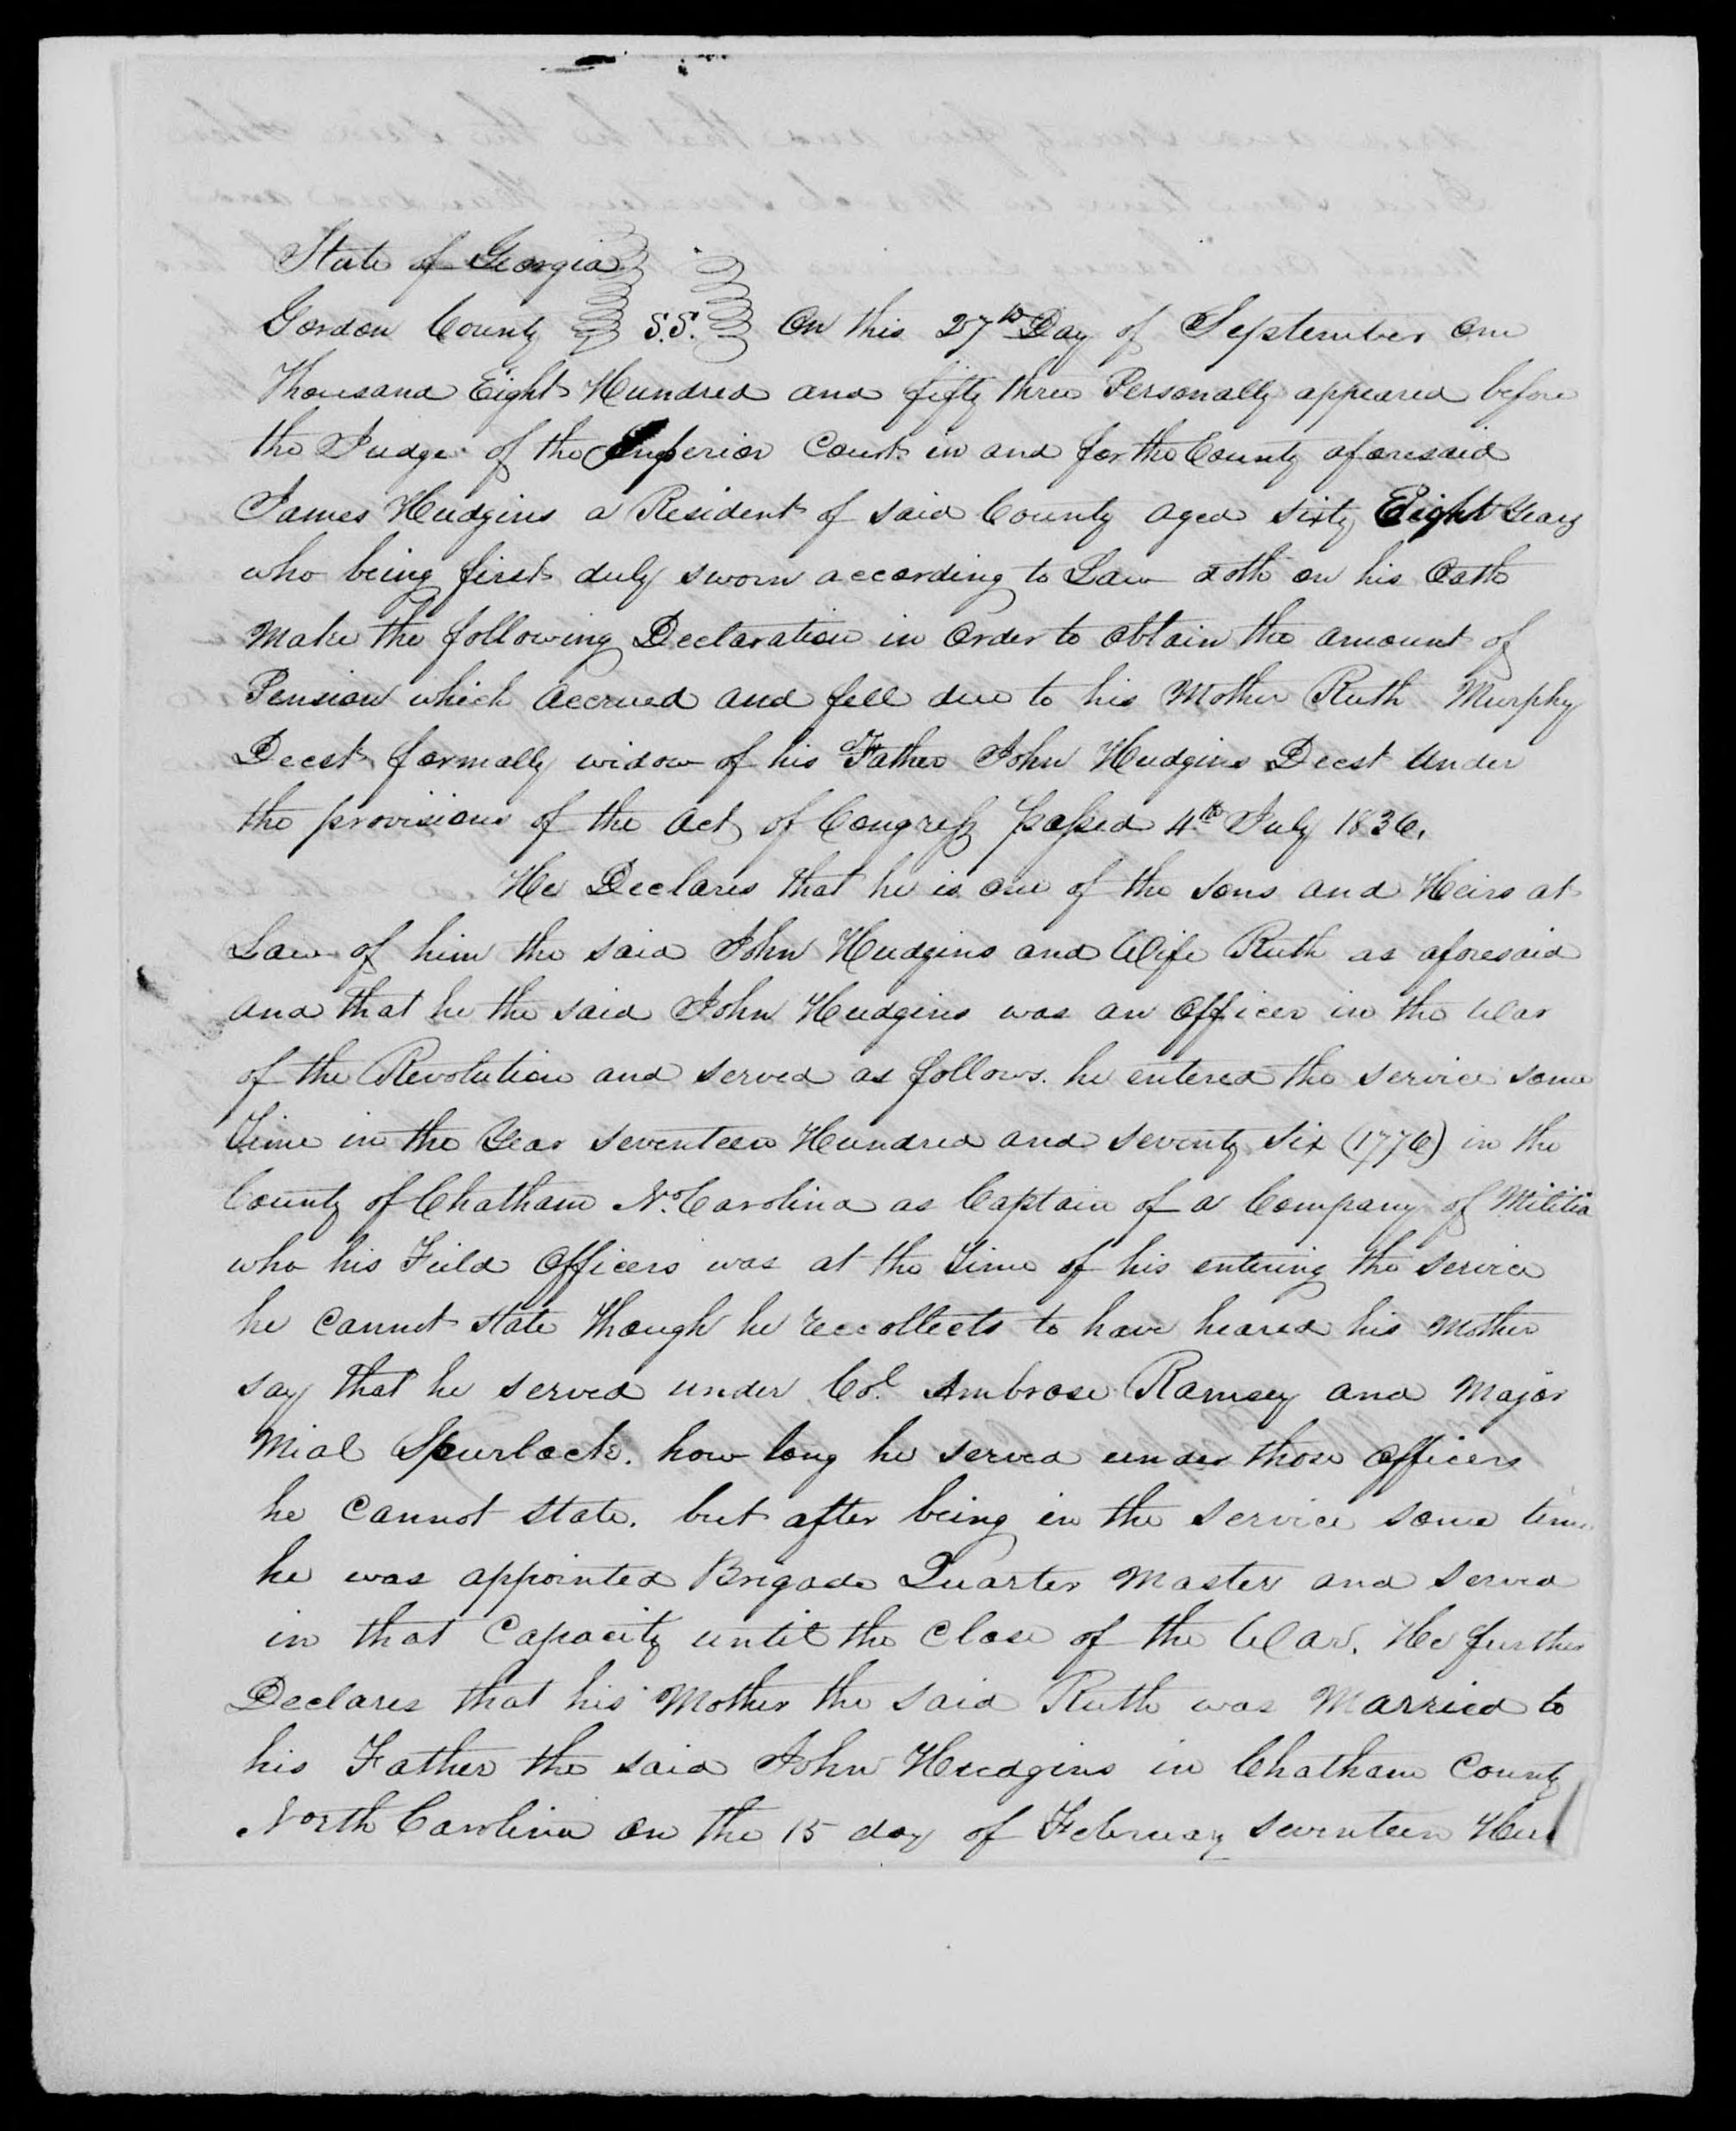(all handwritten)
State of Georgia. 
Gordon County S.S. On this 25th Day of September One Thousand Eight Hundred and fifty three Personally appeared before the judge of the Superior Courts in and for the County of aforesaid James Hudgins a Resident of said County aged sixty eight years who being first duly sworn according to Law doth on his oath make the following declaration in order to obtain the amount of pension which accrued and fell due to his Mother Ruth Murphy [death?] of formally widow of his Father John Hudgins Decst under the provisions of the Act of ? dated 4th July 1836
He declares that he is one of the sons and heirs at Law of him the said John Hudgins was an officer in the [?] of the Revolution and served as follows. he entered the service some time in the years seventeen hundred and seventy six (1776) in the County of Chatham N. Carolina as Captain of a company militia who his Field Officers was at the time of his entering the service  he cannot state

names: Mial Spurlock, John Hudgins, Ambrose Ramsey, Ruth Murphy, James Hudgins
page: 2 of 108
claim: rejected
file: R. 7,515, John Hudgins, N.C.